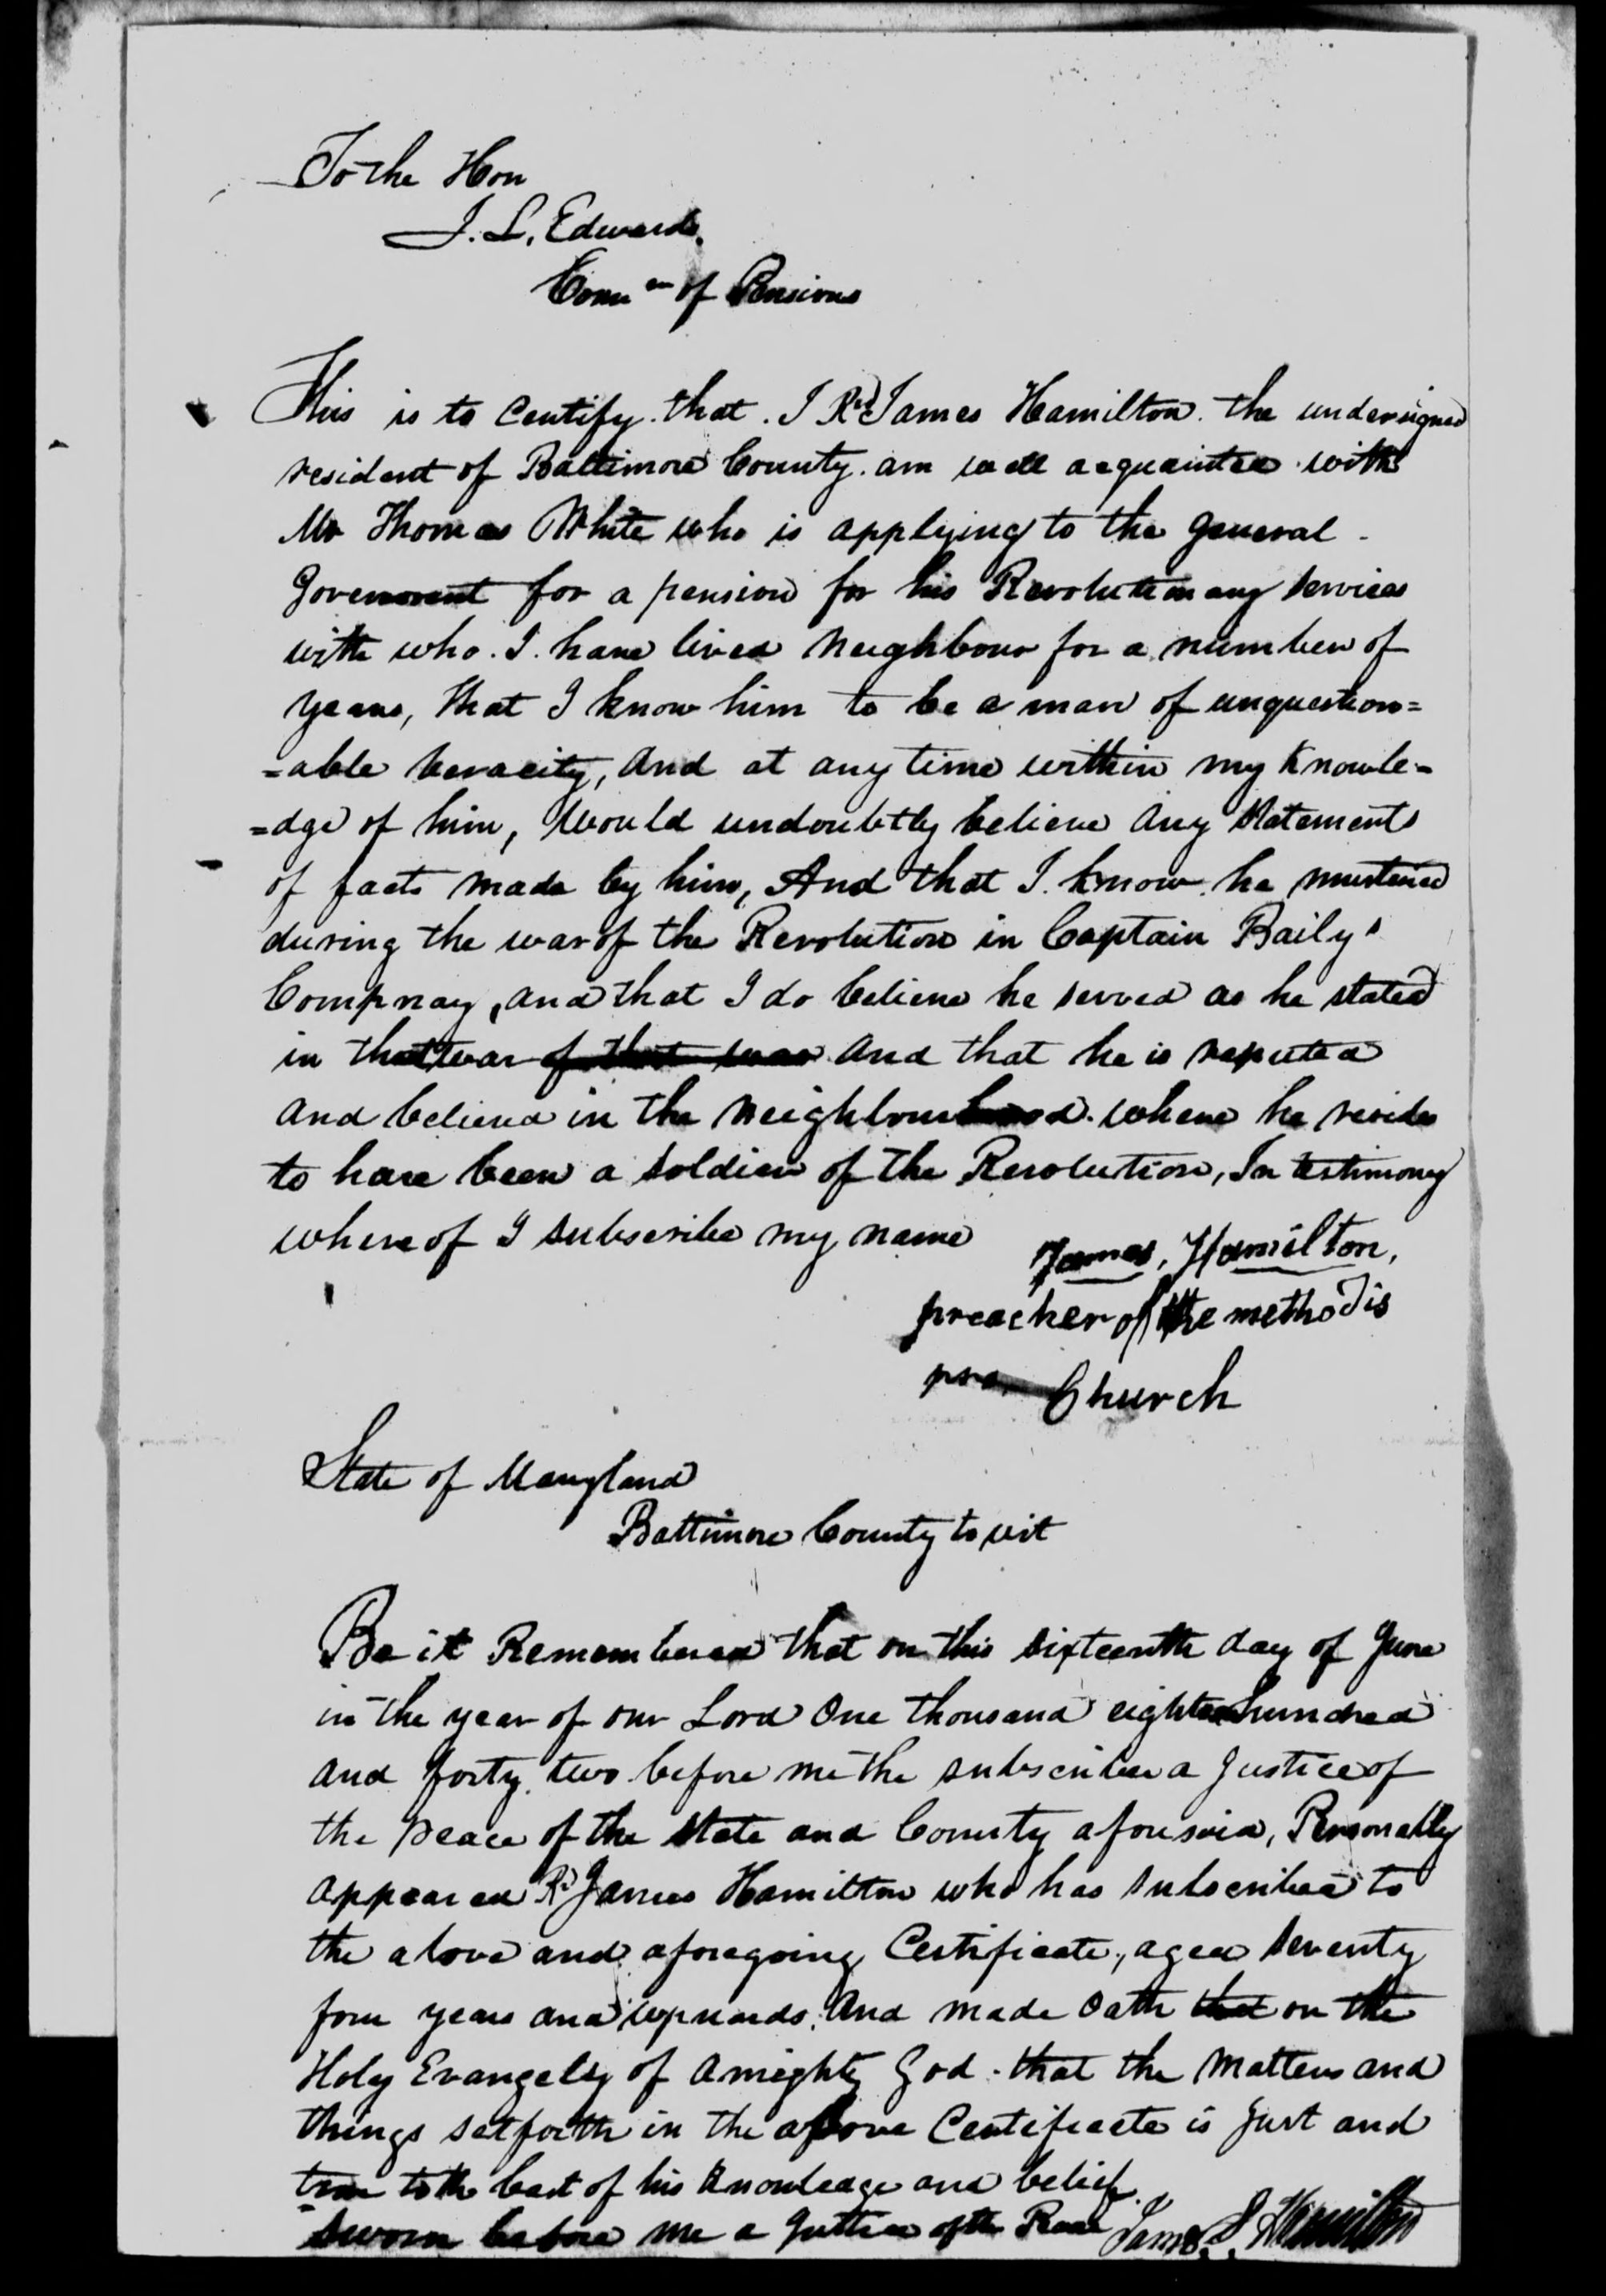To the Hon
J.L. Edwards
Comm of Pensions
This is to Certify that I Red James Hamilton the undersigned resident of Baltimore County. am well acquainted with Mr Thomas White who is applying to the general Government for a pension for his Revolutionary services with who I have lived neighbour [neighbor] for a number of years, that I know him to be a man of unquestionable veracity, and at any time within my knowledge of him, would undoubtly [undoubtedly] believe any statements of facts made by him, And that I know he mustered during the war of the Revolution in Captain Baily's Compnay, [company] and that I do believe he served as he stated in that war [illegible crossed out] and that he is reputed and believed in the neighbourhood [neighborhood]  where he resides to have been a soldier of the Revolution, In testimony
whereof I subscribe my name
James Hamilton,
preacher of the methodis [methodist] Church
State of Maryland
Baltimore County to wit
Be it Remembered that on this sixteenth day of June in the year of our Lord one thousand eight hundred and forty two before me the subscriber a Justice of the peace of the State and County aforesaid, Personally appeared Red James Hamilton who has subscribed to the above and aforegoing [foregoing] certificate, aged Seventy four years and upwards and made oath [that crossed out] on the Holy Evangely of Almighty God that the matters and
things set forth in the above certificate is just and true to the best of his knowledge and belief
Sworn before me a Justice of the Peace James S Hamilton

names: J L Edwards, James Hamilton, Thomas White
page: 15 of 43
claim: survivor's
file: S. 15240, Thomas White, Md.